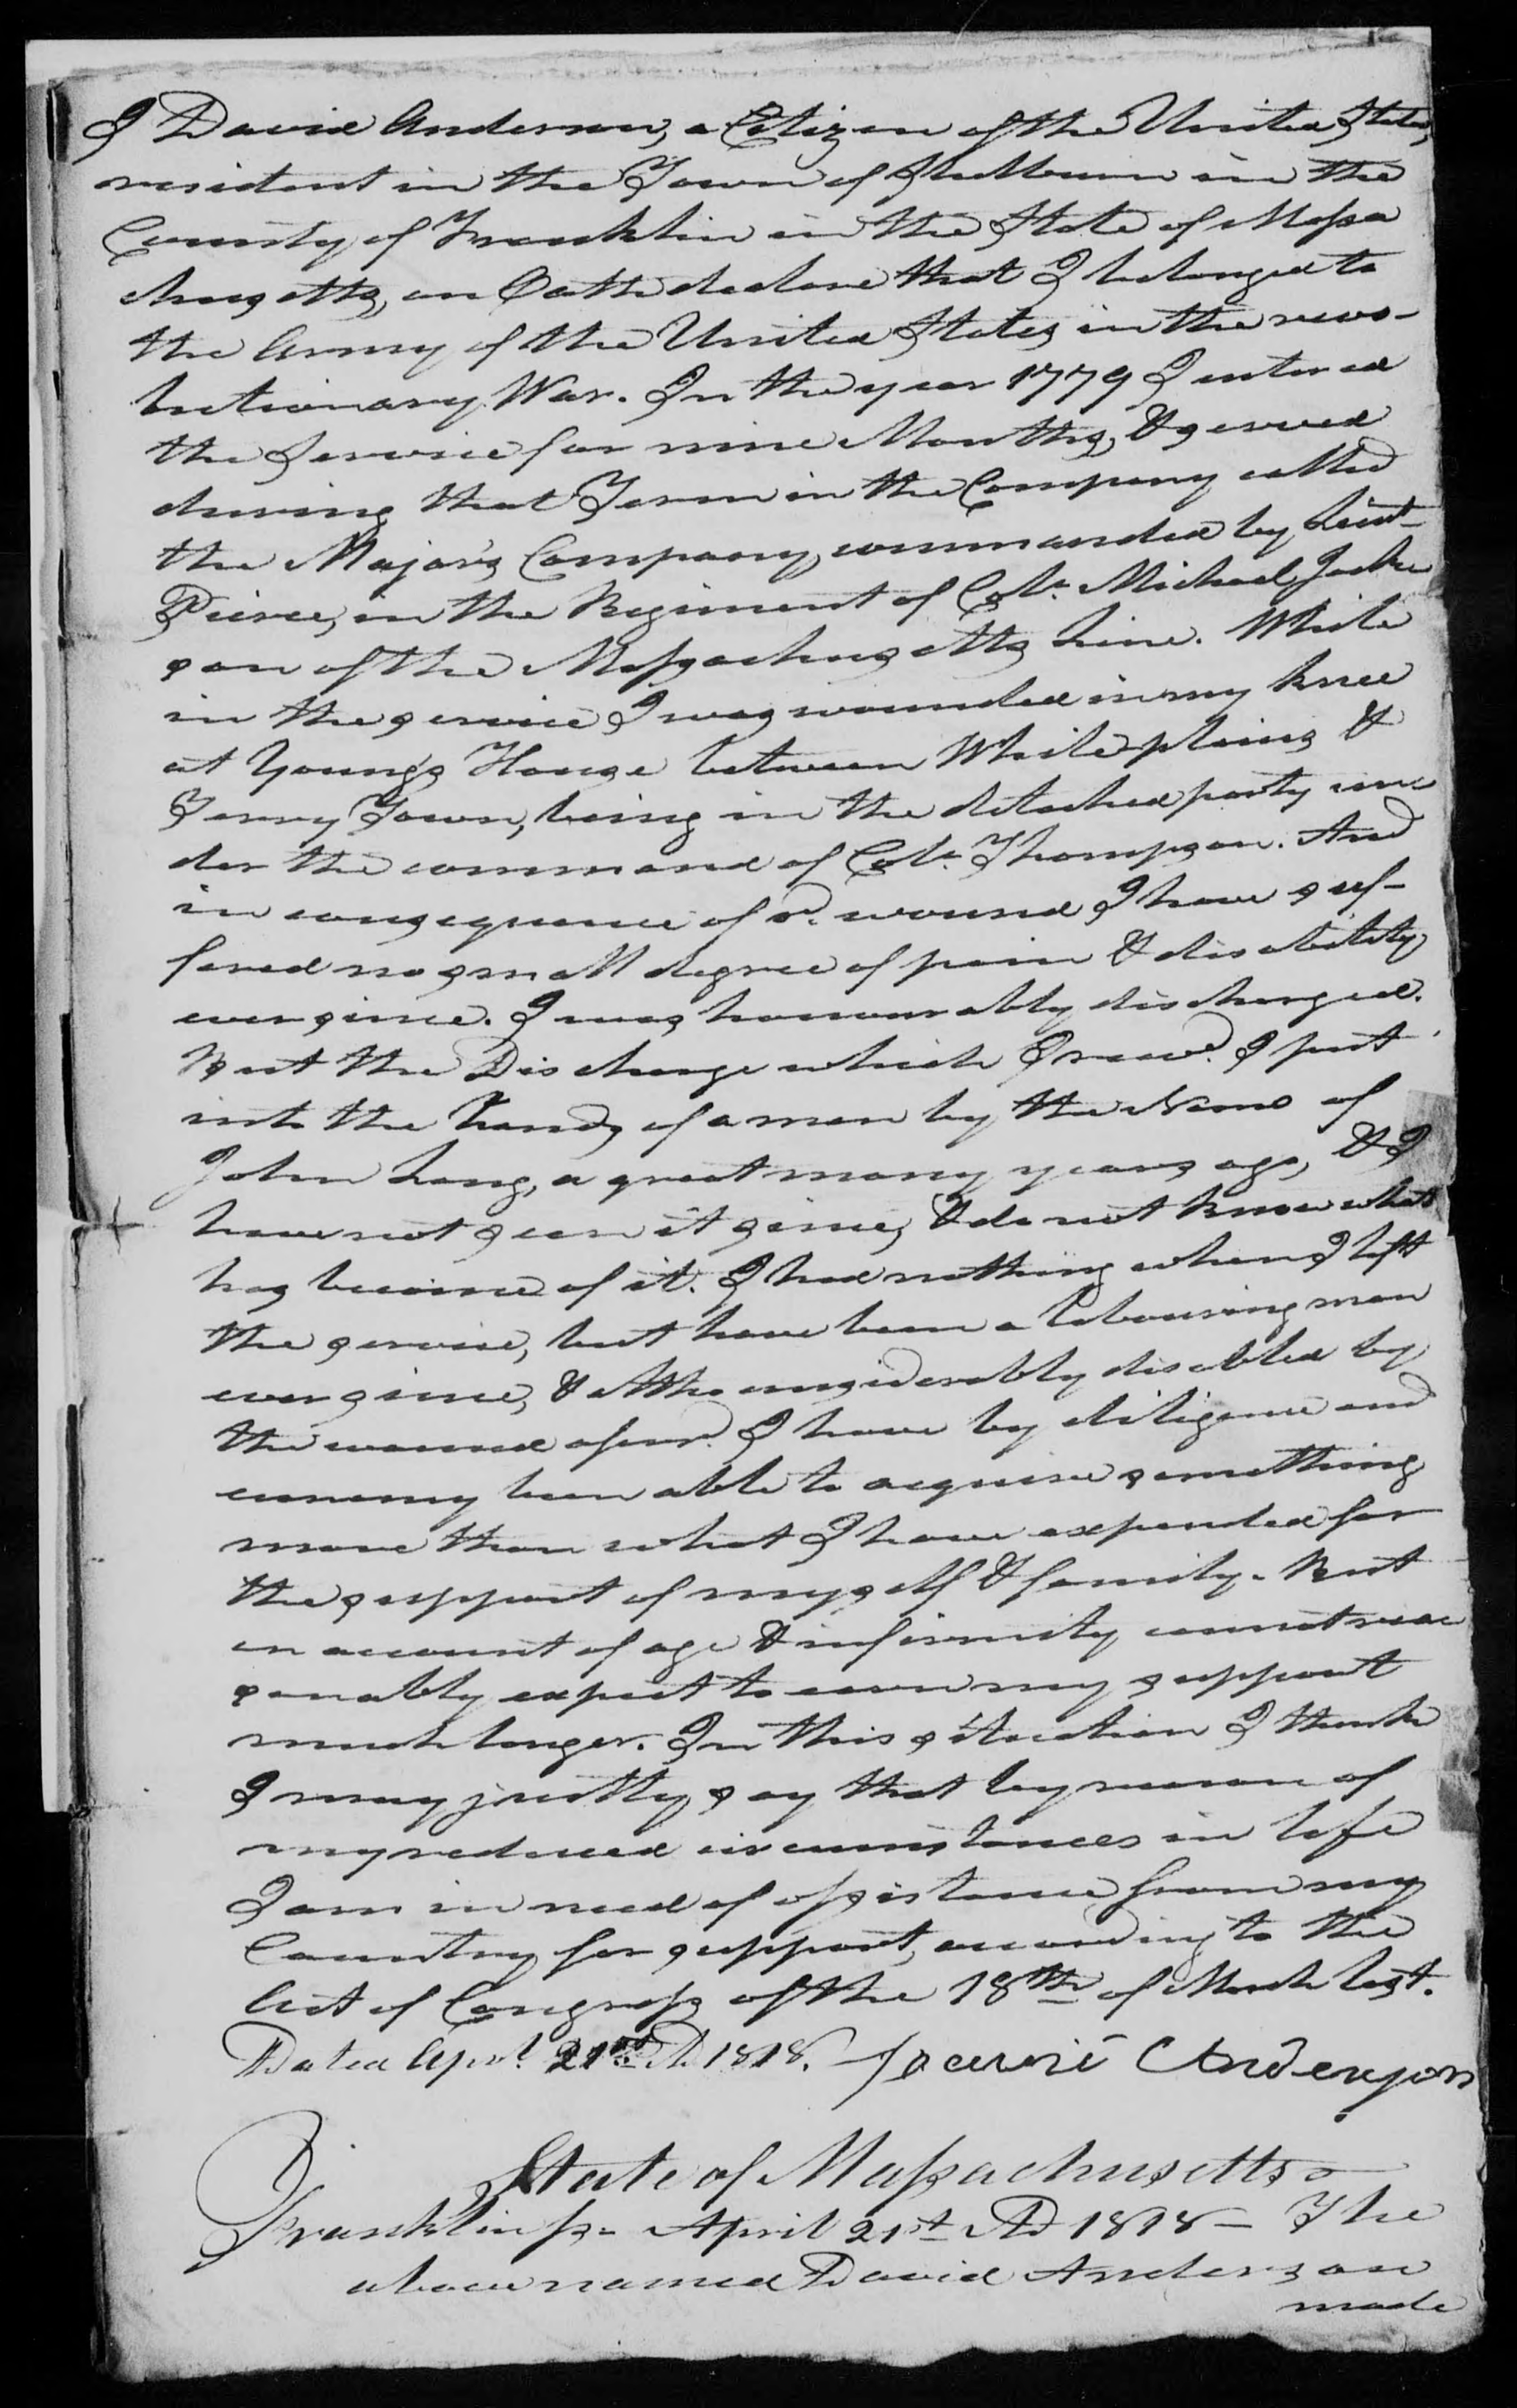I David Anderson, a Citizen of the United States,
resident in the Town of Shelburne in the
County of Franklin in the State of Massachusetts, on oath declare that I belonged to
the army of the United States in the revolutionary War. In the year 1779 I entered
the service for nine months, & served
during that term in the company called
the Major's Company commanded by Lieut
Pierce, in the Regiment of Col Michael Jackson of the Massachusetts Line. While
in the service I was wounded in my knee
at Youngs House between White Plains &
Tarry Town, being in the detached party
under the command of Col. Thompson. And
in consequence of sd wound I have
suffered no small degree of pain & disability
ever since. I was honourably discharged.
But the Discharge which [illegible] I put
into the hands of a man by the Name of
John Lang, a great many years ago, & I
have not seen it since, I do not know what
has become of it. I had nothing when I left
the service, but have been a labouring man
ever since, & altho considerably disabled by
the wound often I have by diligence and
[illegible] been able to acquire something
more than what I have expended for
the support of myself & family. But
on account of age & infirmity cannot
reasonably expect to earn my support
much longer. In this situation I think
I may justify & say that by reason of
my reduced circumstances in life
I am in need of assistance from my
Country for support, according to the
act of Congress of the 18th of March last.
Dated April 21st AD. 1818.
 [illegible] Anderson

State of Massachusetts
Franklin April 21st Ad 1818 -- The
where named David Anderson made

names: Thompson, John Long, David Anderson, David Anderson, David Anderson, Pierce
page: 4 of 39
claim: widow's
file: W. 20624, David Anderson, Mass